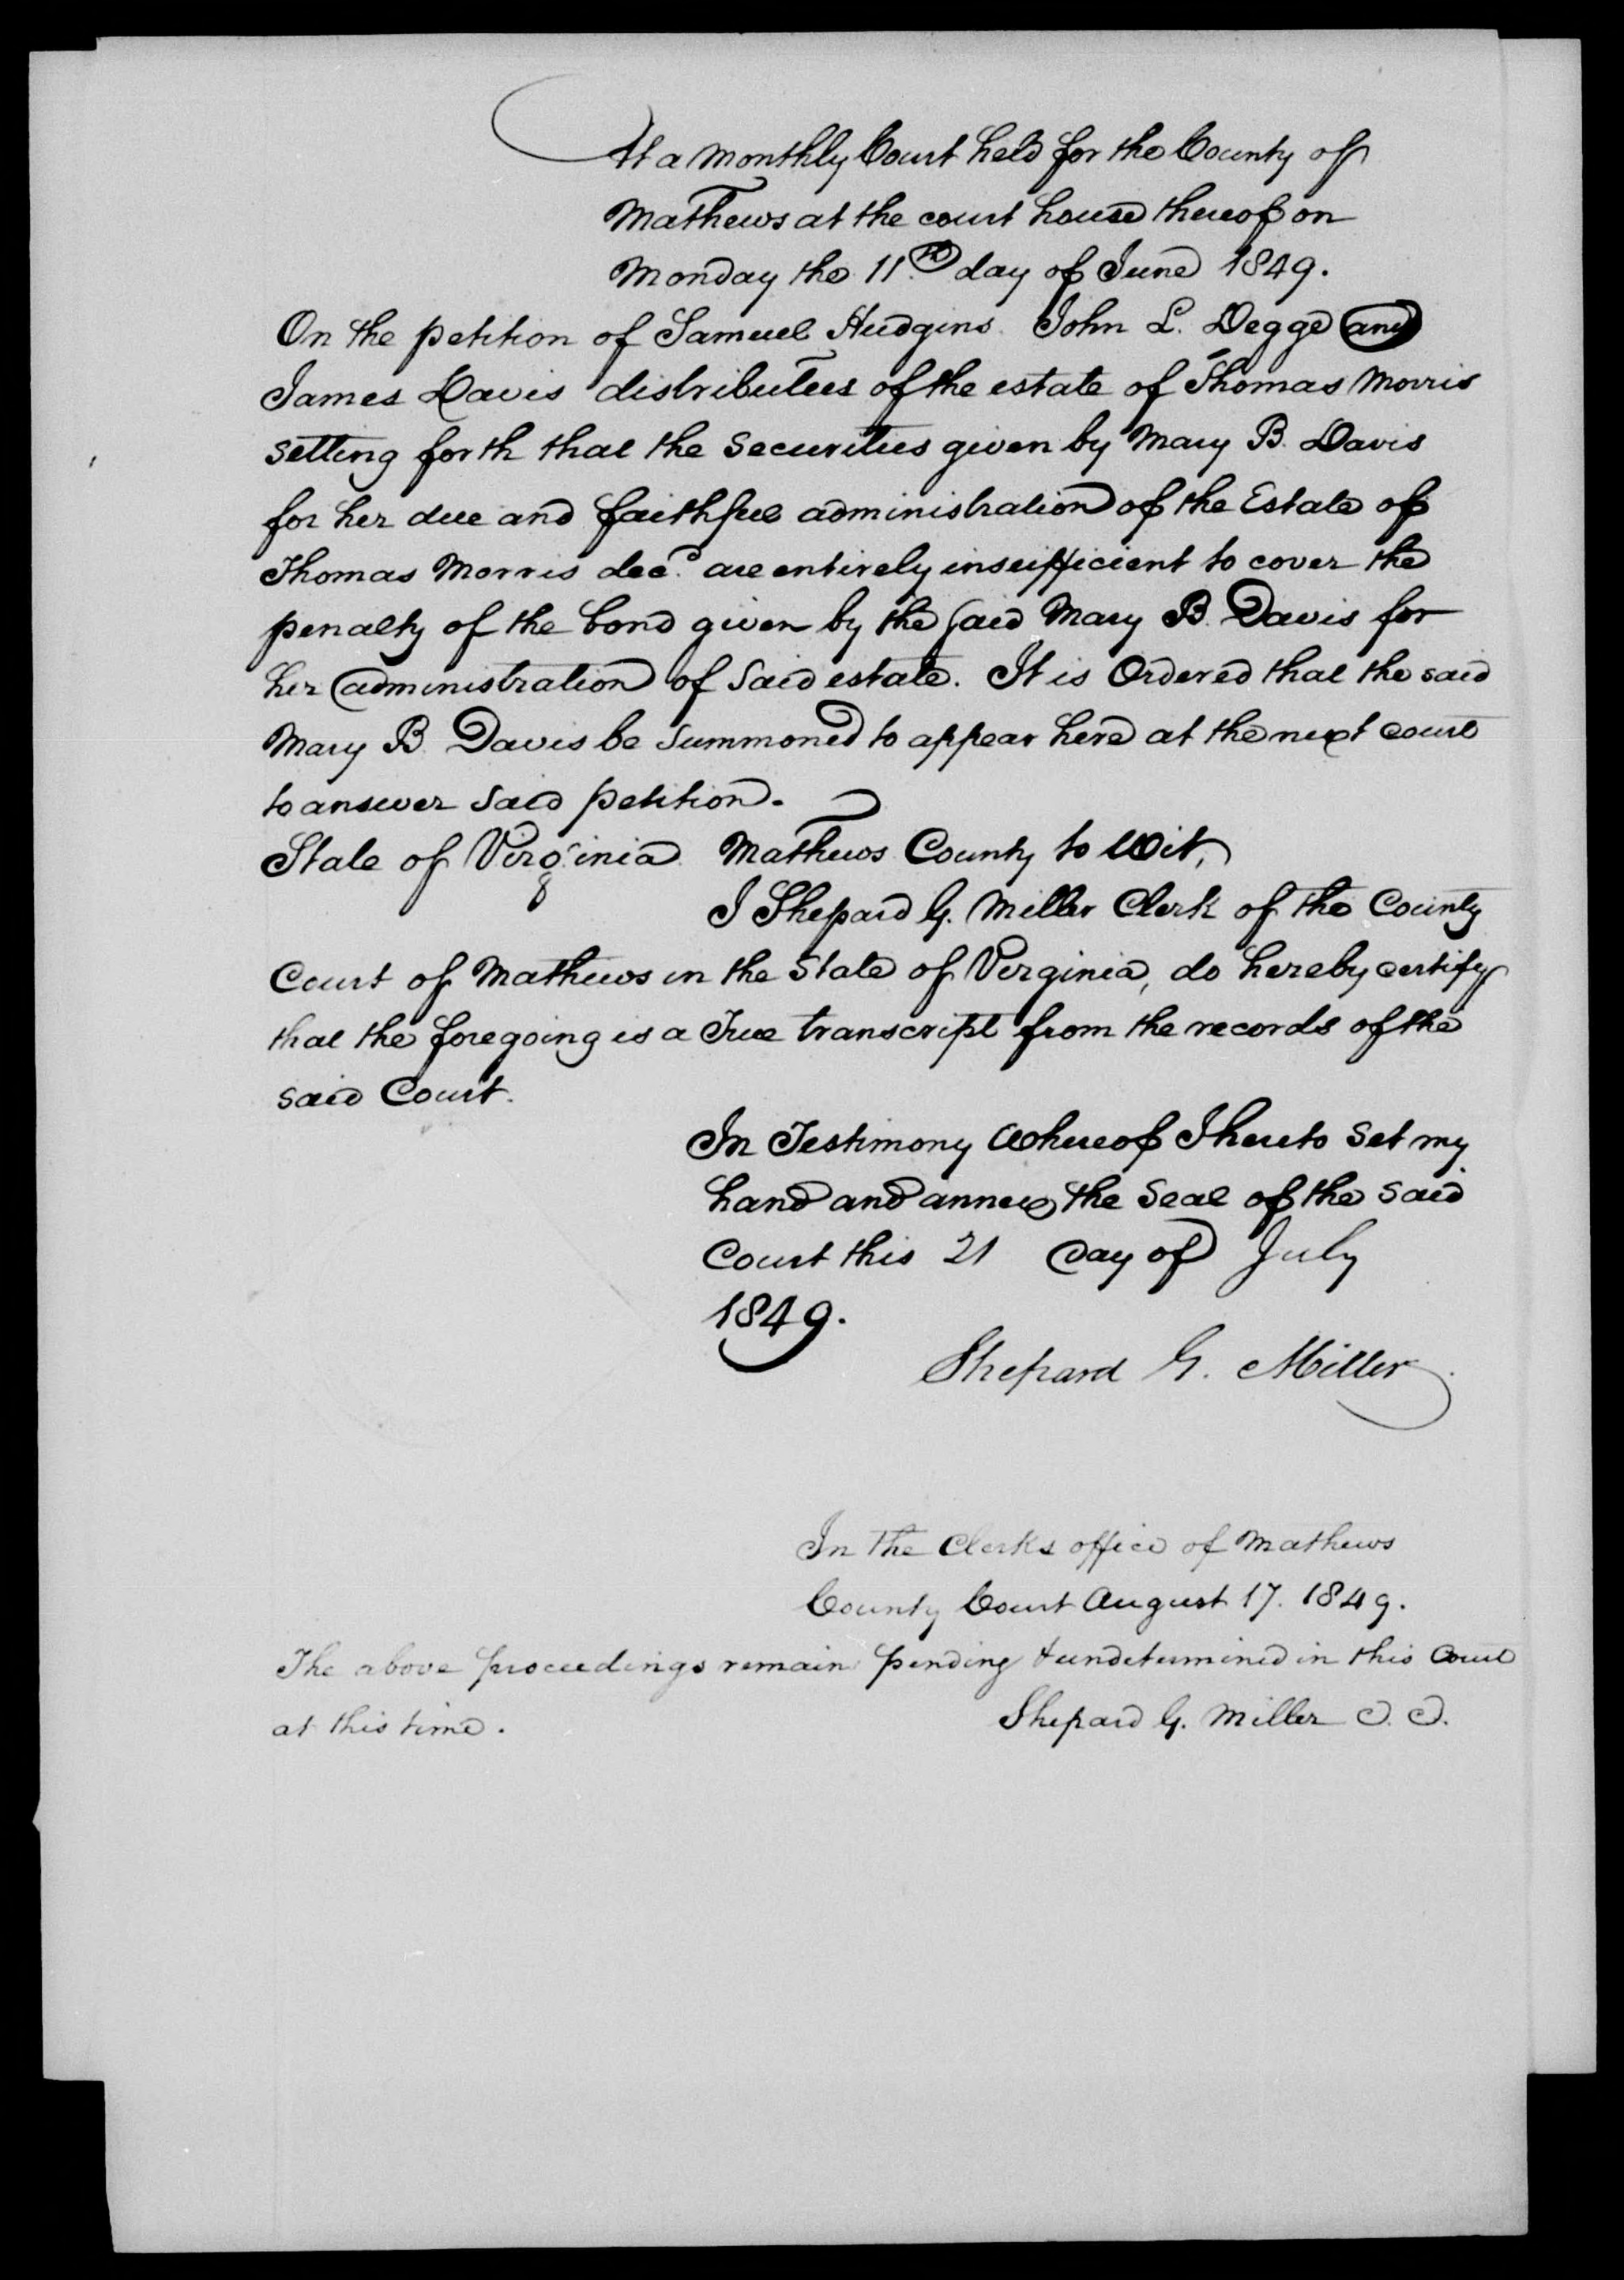At a monthly Court held for the County of Mathews at the court house thereof on Monday the 11th day of June 1849. 
On the petition of Samuel Hudgins, John L Degge and James Davis distributes of the estate of Thomas Morris setting forth that the securities given by Mary B, Davis for her due and faithful administration of the Estate of Thomas Morris decd  are entirely insufficient to cover the penalty of the bond given by the said Mary B. Davis for her administration of said estate. It is ordered that the said Mary B. Davis be summoned to appear here at the next court to answer said petition. 
State of Virginia Mathews County to wit, I Shepard G. Miller Clerk of the County Court of Mathews in the State of Virginia, do hereby certify that the foregoing is a True transcript from the records of the said Court. 
In Testimony Whereof I hereto set my hand and annex the Seal of the said Court this 21 day of July 1849. 
Shepard G. Miller 
In the Clerks office of Mathews County Court August 17, 1849. The above proceedings remain pending & undetermined in this Court at this time. 
Shepard G. Miller C. C.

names: Samuel Hudgins; Thomas Morris; John L Degge; Mary B Davis; James Davis; Shepard G Miller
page: 18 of 30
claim: rejected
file: R. 16,555, for Thomas Morris, Georgia